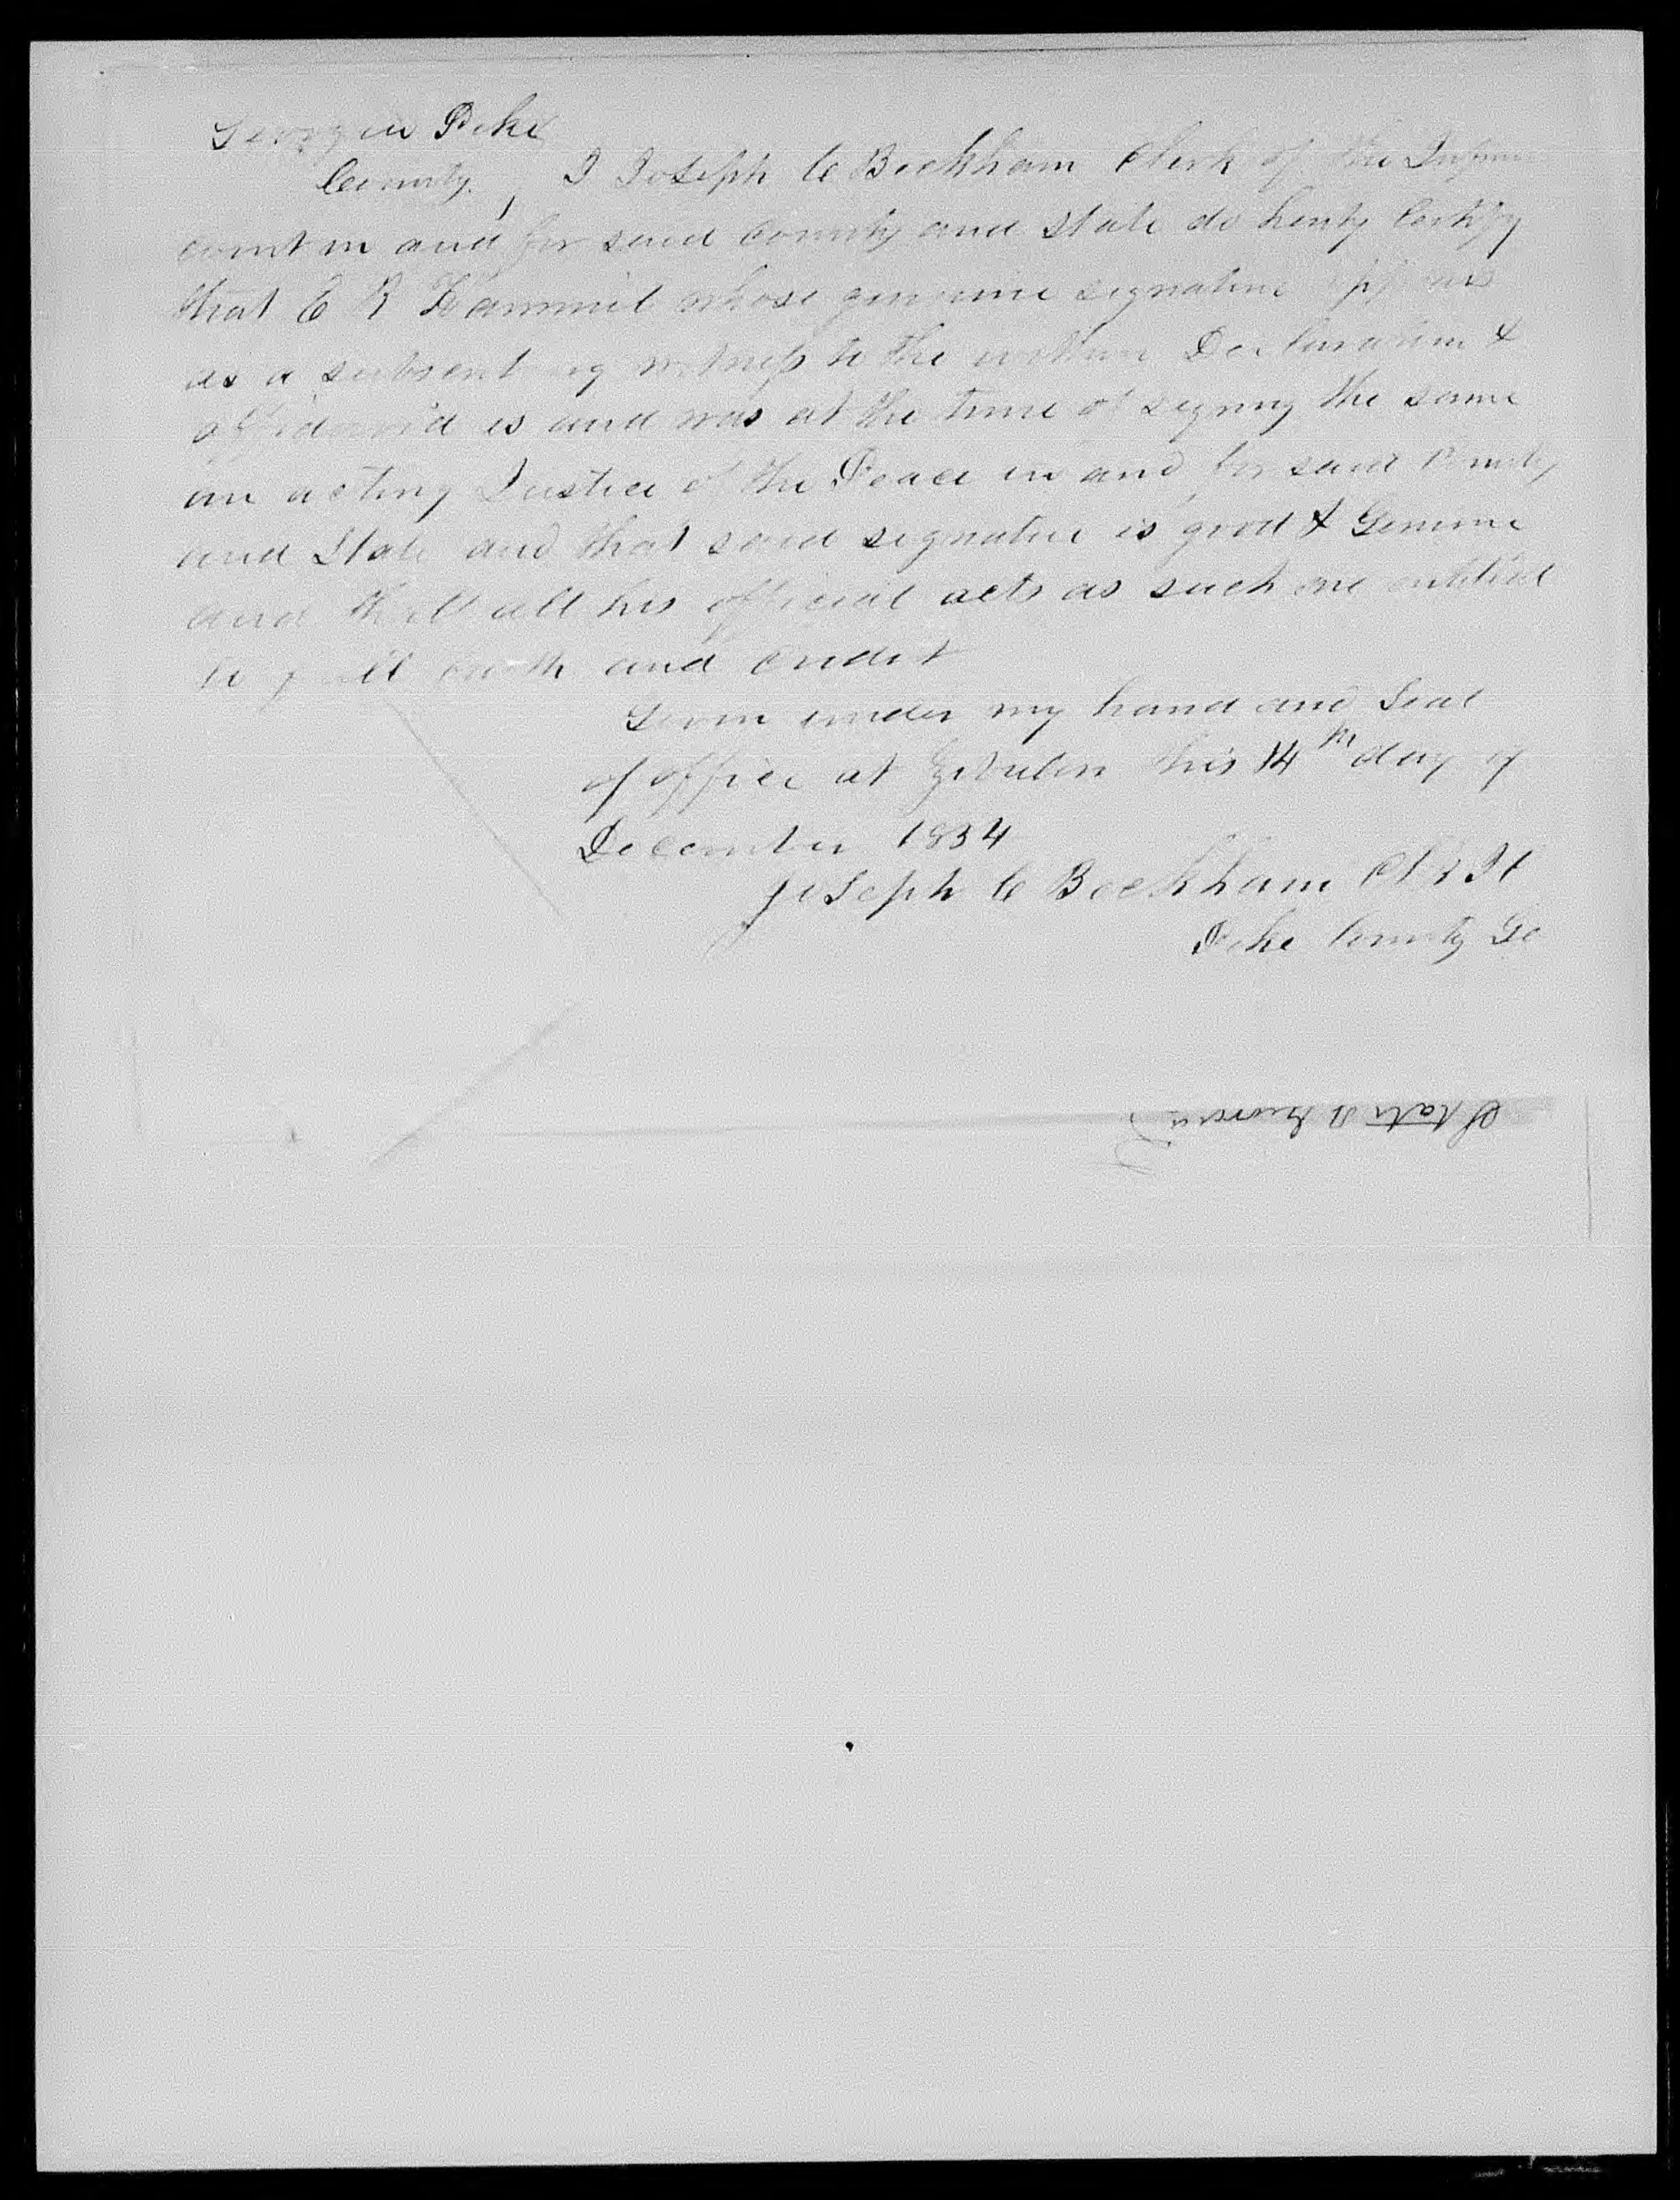George Pike County
I Joseph C Beckham Clerk of the Inferior court in and for said County and State do hereby certify
that E R Hammil whose genuine signature appears as a subscribing witness to the within Declaration & affidavit is and was at the time of signing the same an acting Justice of the Peace in and for said County and State and that said signature is good & Genuine and that all his official acts as such are entitled to full faith and credit
Given under my hand and Seal
of office at Zebulon this 14th day of December 1834
Joseph C Beckham Clk JP
Pike County Ge [Geo]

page: 15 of 55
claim: widow's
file: W. 7894, for John Jenkins, Virginia